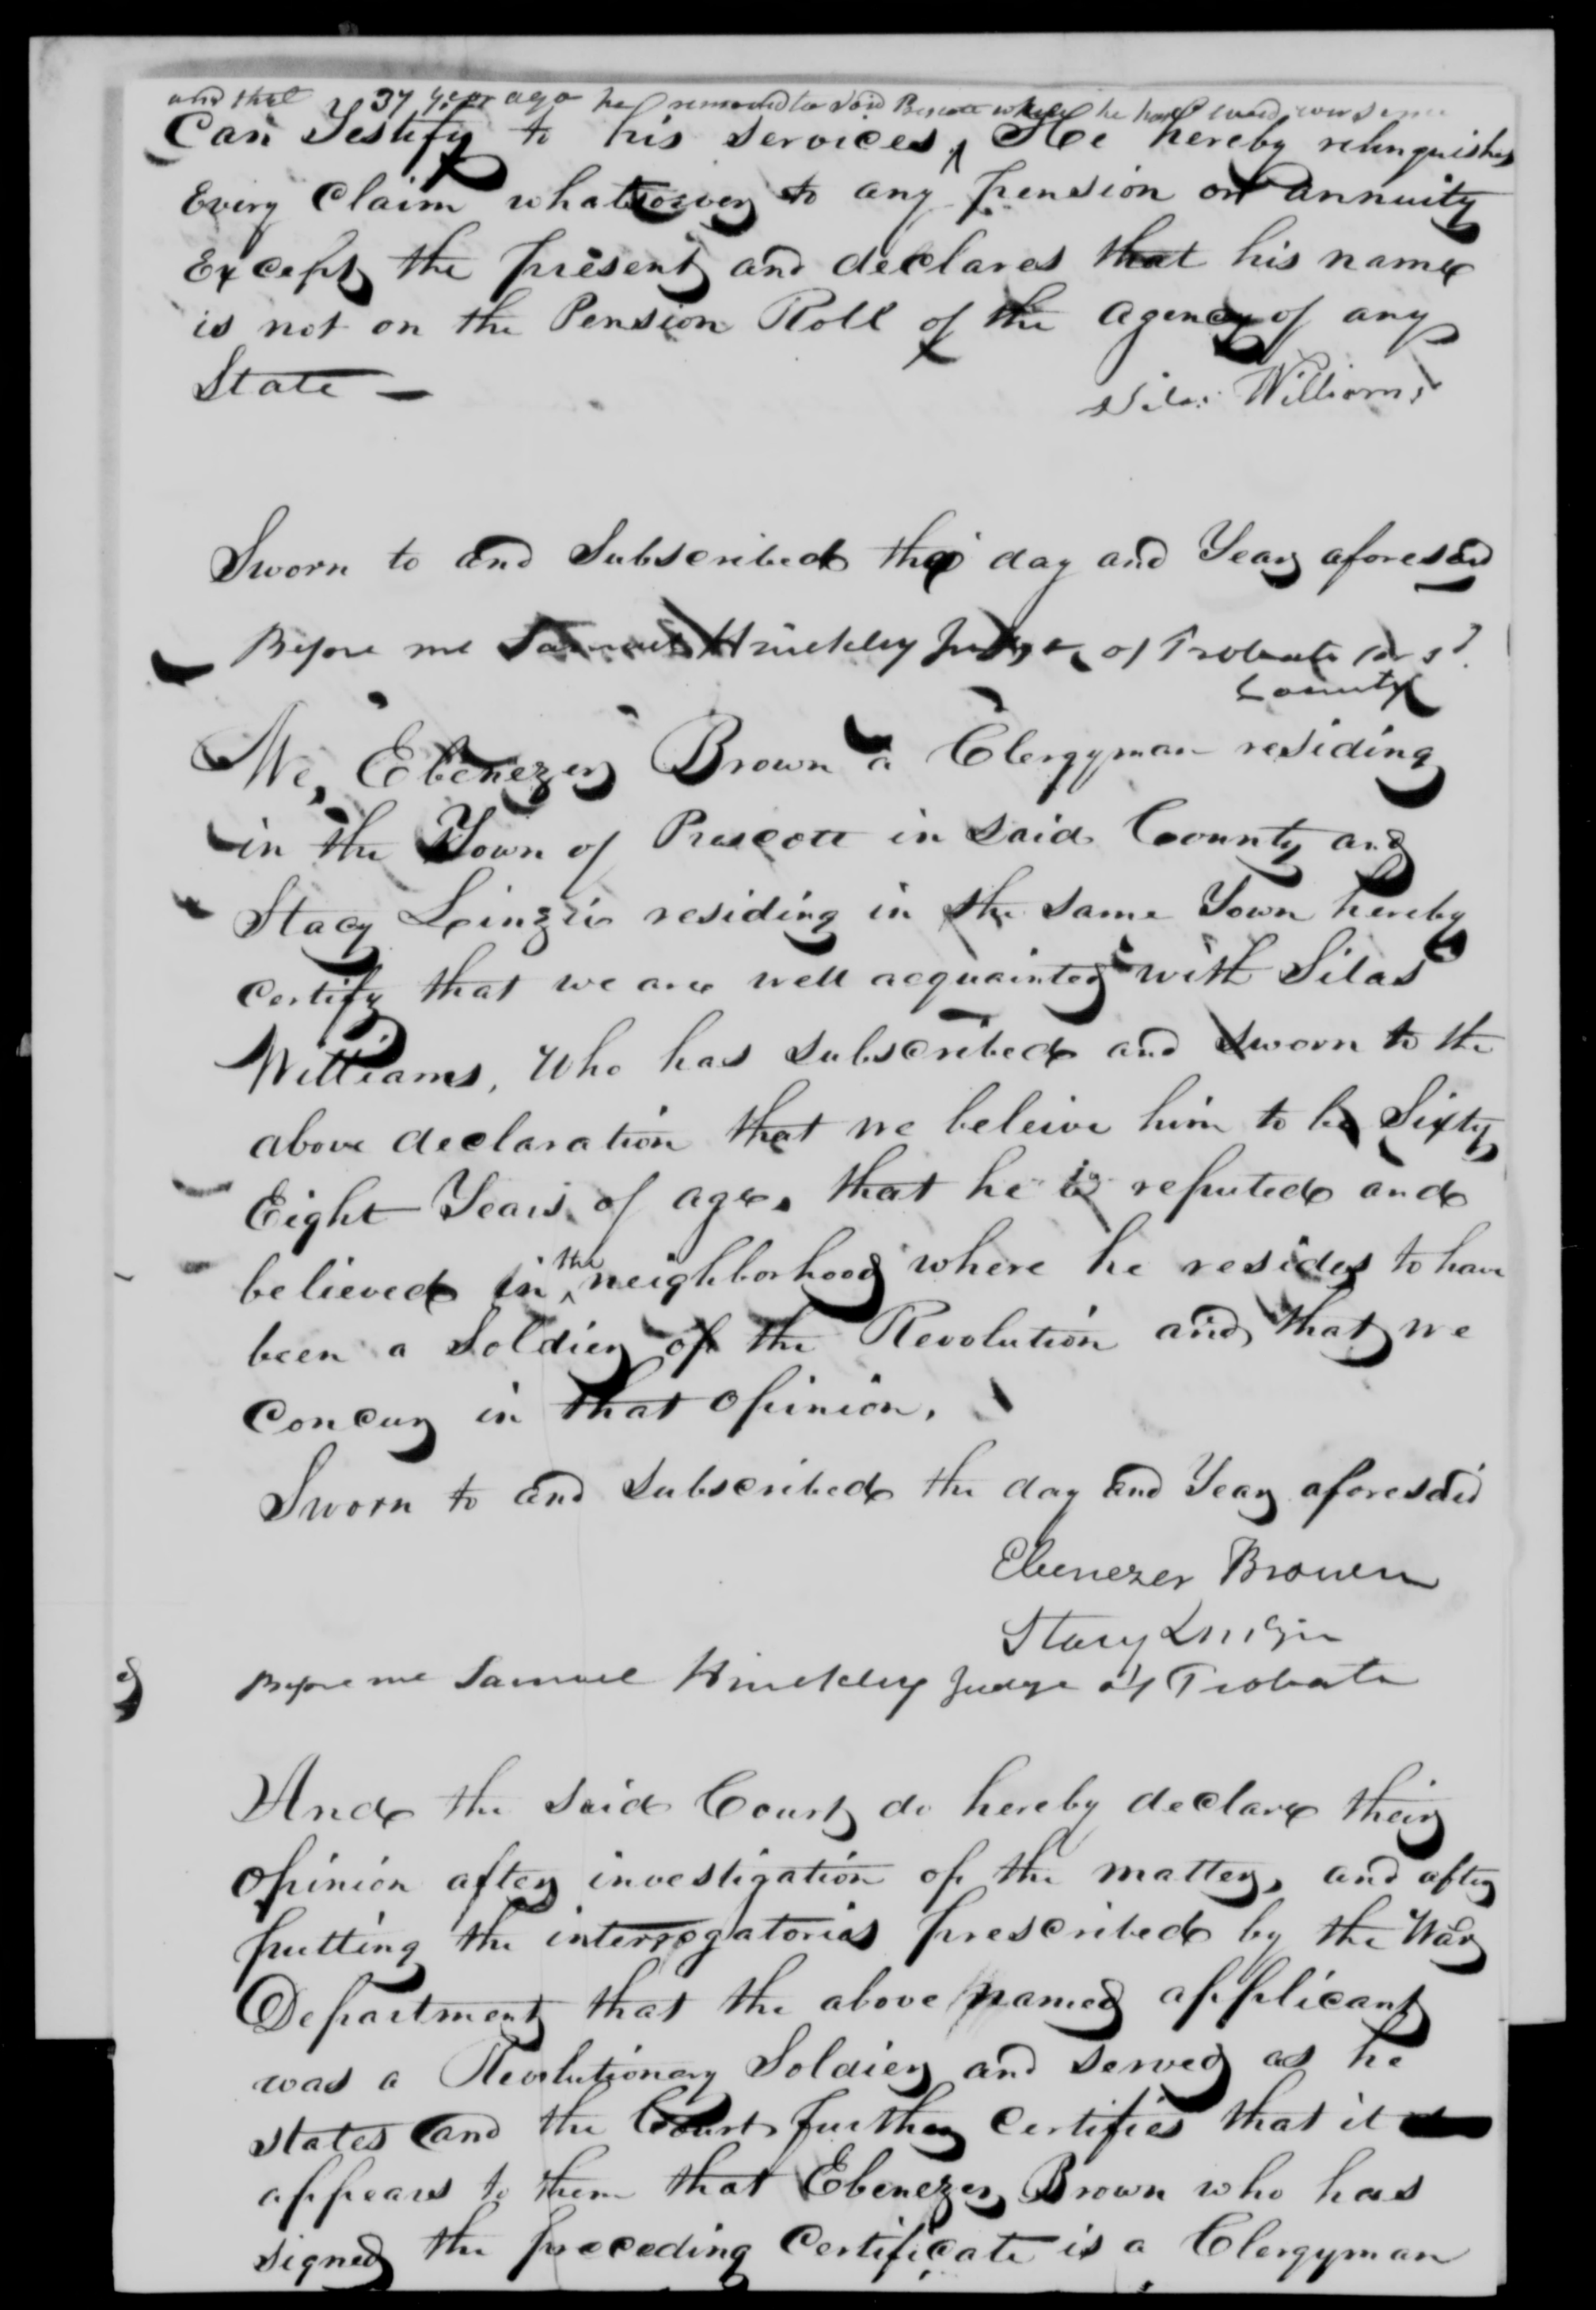Can Testify to his services and that 37 year ago he removed to Prescott where he has lived ever since  He hereby relinquishes every claim whatsoever to any pension or annuity except the present and declares that his name is not on the Pension Roll of the agency of any state
Silas Williams 
Sworn to and subscribed the day and year aforesaid before me Samuel Hinckley Judge of Probate county court 
We Ebenezer Brown a clergyman residing in the Town of Prescott in said county and Stacy Linzie residing in the same town hereby certify that we are well acquainted with Silas Williams who has subscribed and sworn to the above declaration that we believe him to be Sixty eight years of age that he is reputed and believed in the neighborhood where he resides to have been a soldier of the Revolution and that we concur in that opinion.
Sworn to and subscribed the day and year aforesaid 
Ebenezer Brown
Stacy Linzie
Before me Samuel Hinckley Judge of Probate
And the said court do hereby declare their opinion after investigation of the matter, and after putting the interrogatories prescribed by the War Department that the above named applicant was a Revolutionary Soldier and served as he states and the court further certifies that it appears to them that Ebenezer Brown who has signed the preceding certificate is a clergyman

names: Stacy Linzie, Ebenezer Brown, Silas Williams, Samuel Hinckley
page: 7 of 20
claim: survivor's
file: S. 11778, Silas Williams, Mass.